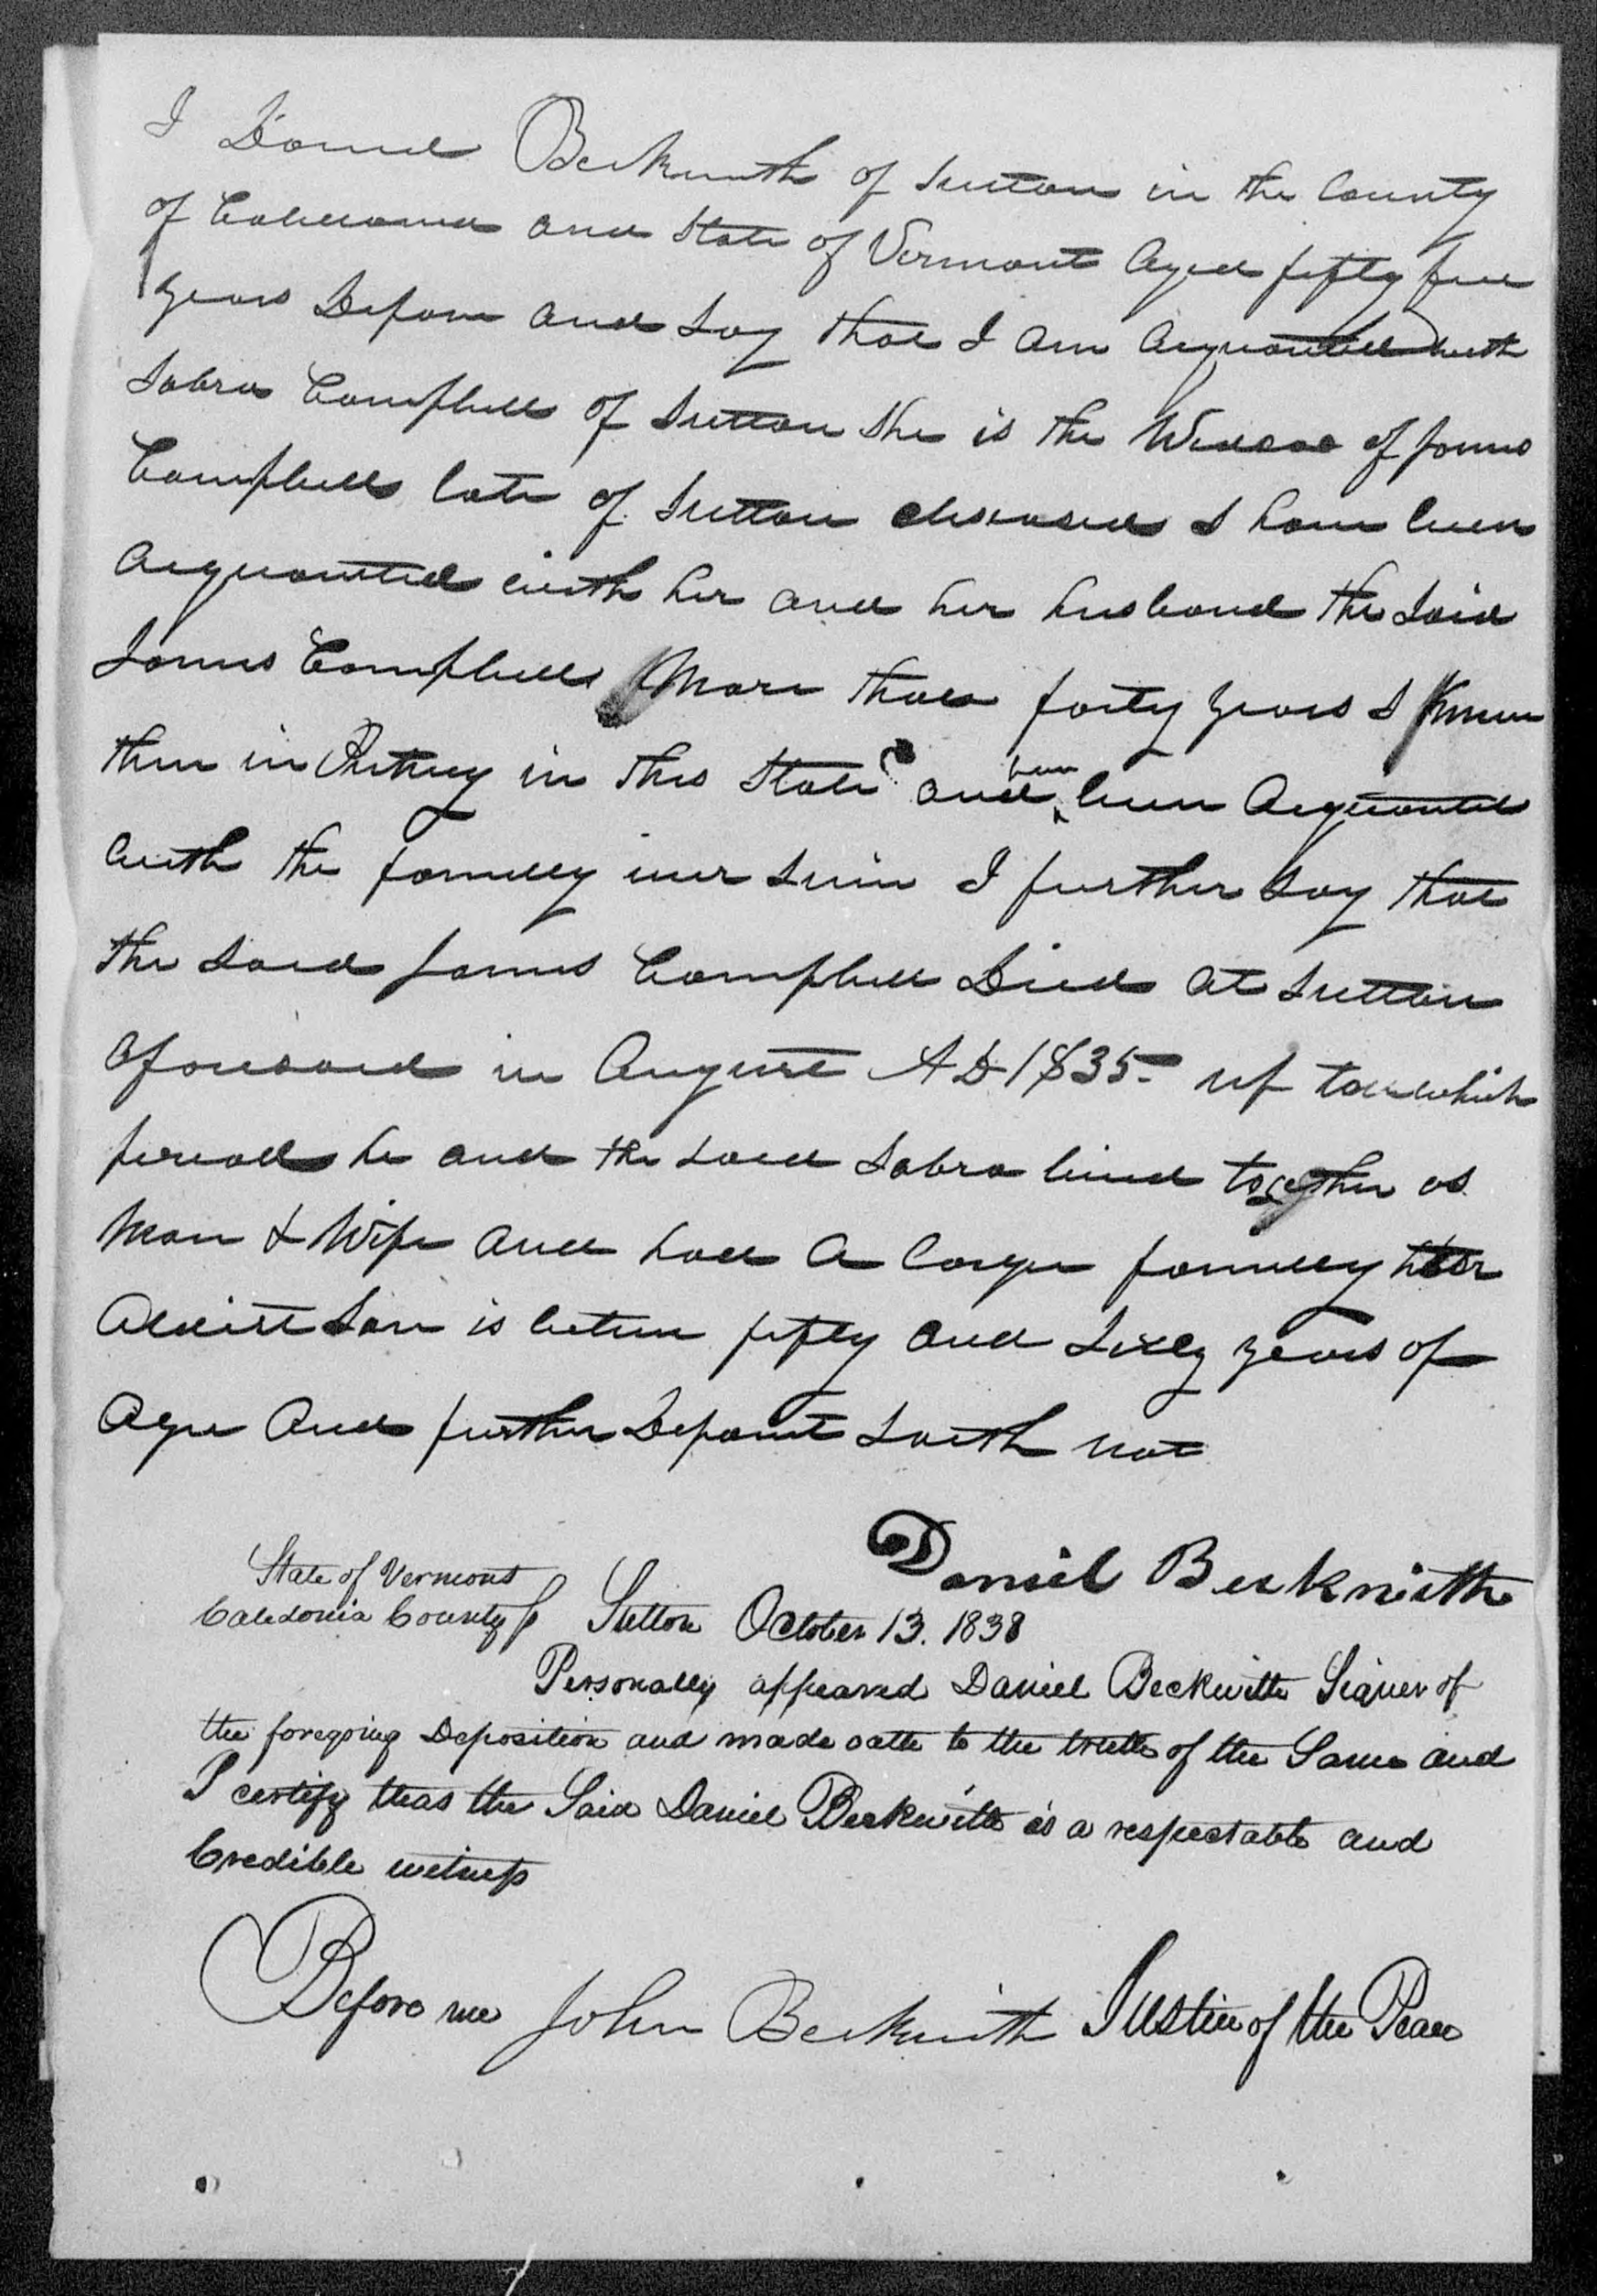I Daniel Beckwith of Sutton in the County of Caledonia and State of Vermont aged fifty five
years depose and say that I am acquainted with Sabra Campbell of Sutton She is the Widow of John Campbell late of Sutton deceased I have been acquainted with her and her husband the Said John Campbell More than forty years  I knew them in Putney in this State and have been acquainted with the family ever since I further say that the Said James Campbell Died at Sutton aforesaid in August AD 1835, up to which period he and the said Sabra lived together as man & wife and had a large family Their Oldest Son is between fifty and Sixty years of age And further Depont saith not
Daniel Beckwith
 

State of Vermont
Caledonia County ss Sutton October 13. 1838

Personally appeared Daniel Beckwith Signer of
the foregoing Deposition and made oath to the truth of the Same and I certify that the Said Daniel Beckwith is a respectable and Credible witness
Before me John Beckwith Justice of the Peace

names: Daniel Beckwith, James Campbell, John Beckwith, Daniel Beckwith, Daniel Beckwith, James Campbell, Sabra Campbell, Daniel Beckwith, James Campbell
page: 32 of 67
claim: widow's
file: W. 23772, James Campbell, Continental Mass.